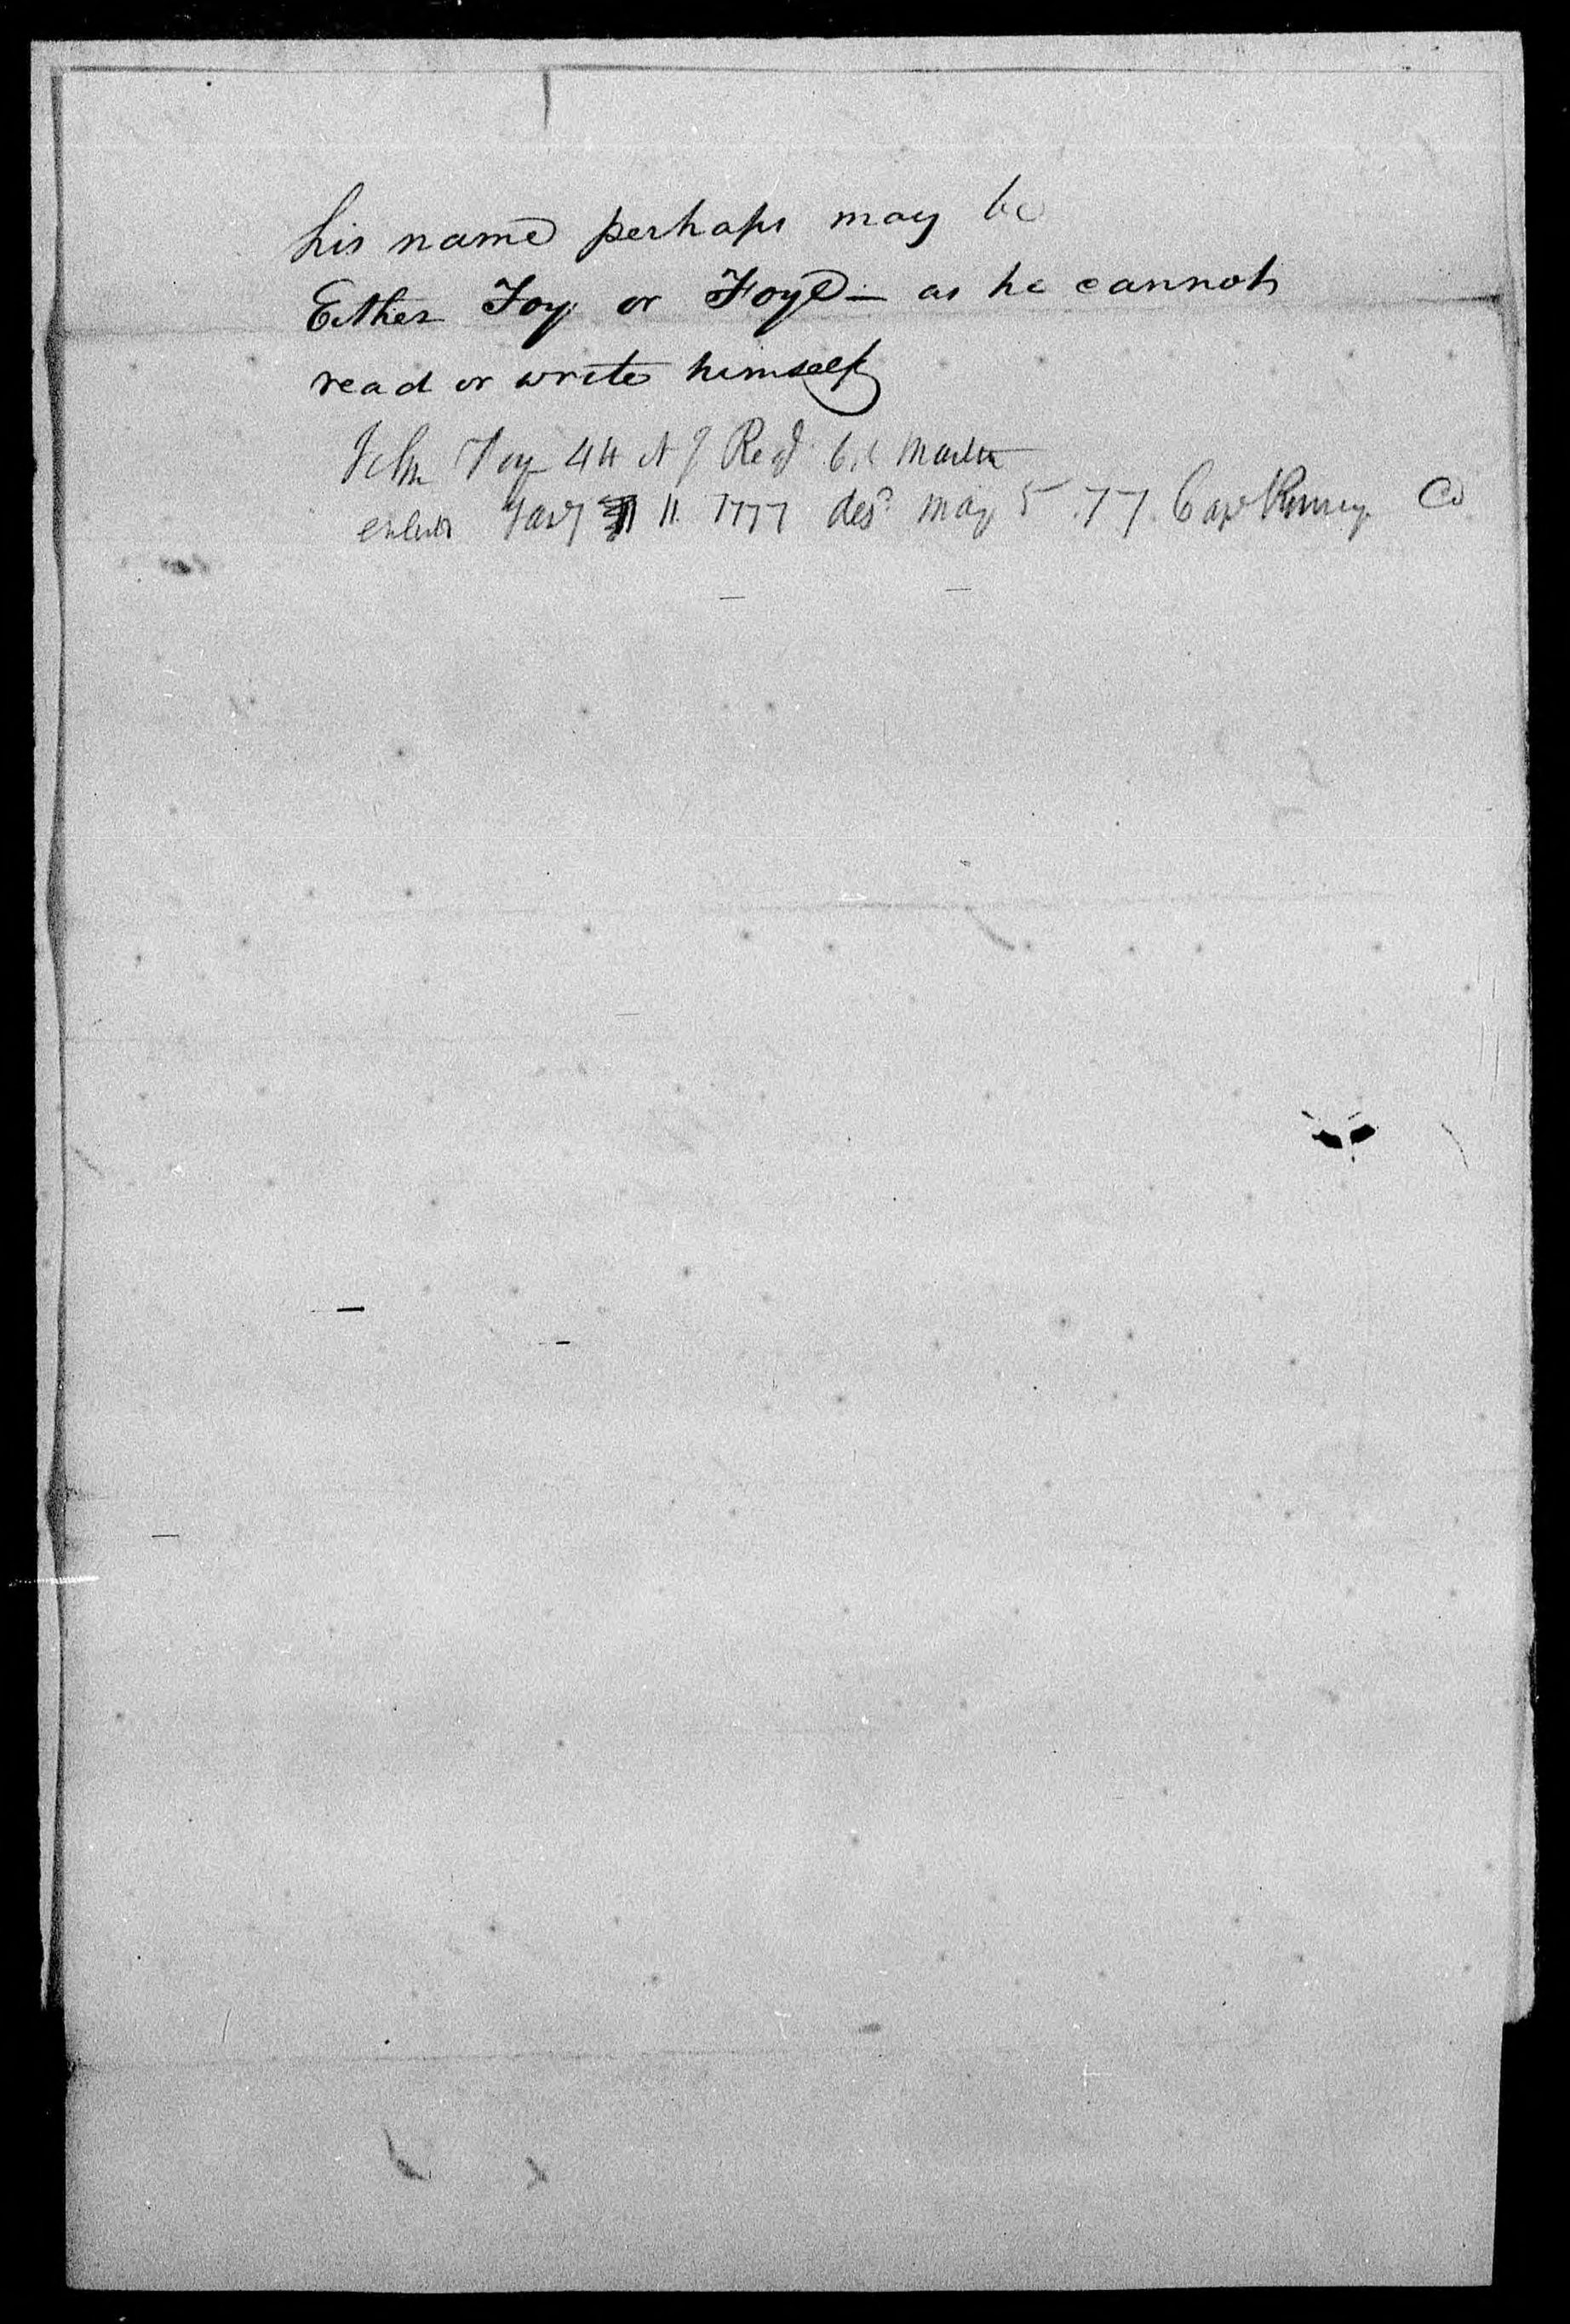his name perhaps may be Either Foy or Foyl as he cannot read or write himself
John Foy 4th NJ Regt Col Martin
enlisted Jan 11 1777 dis? May 5 77 Capt Kinsey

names: Esther Foye, John Foy, Martin, Esther Foy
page: 11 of 11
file: R., John Foy, New Jersey